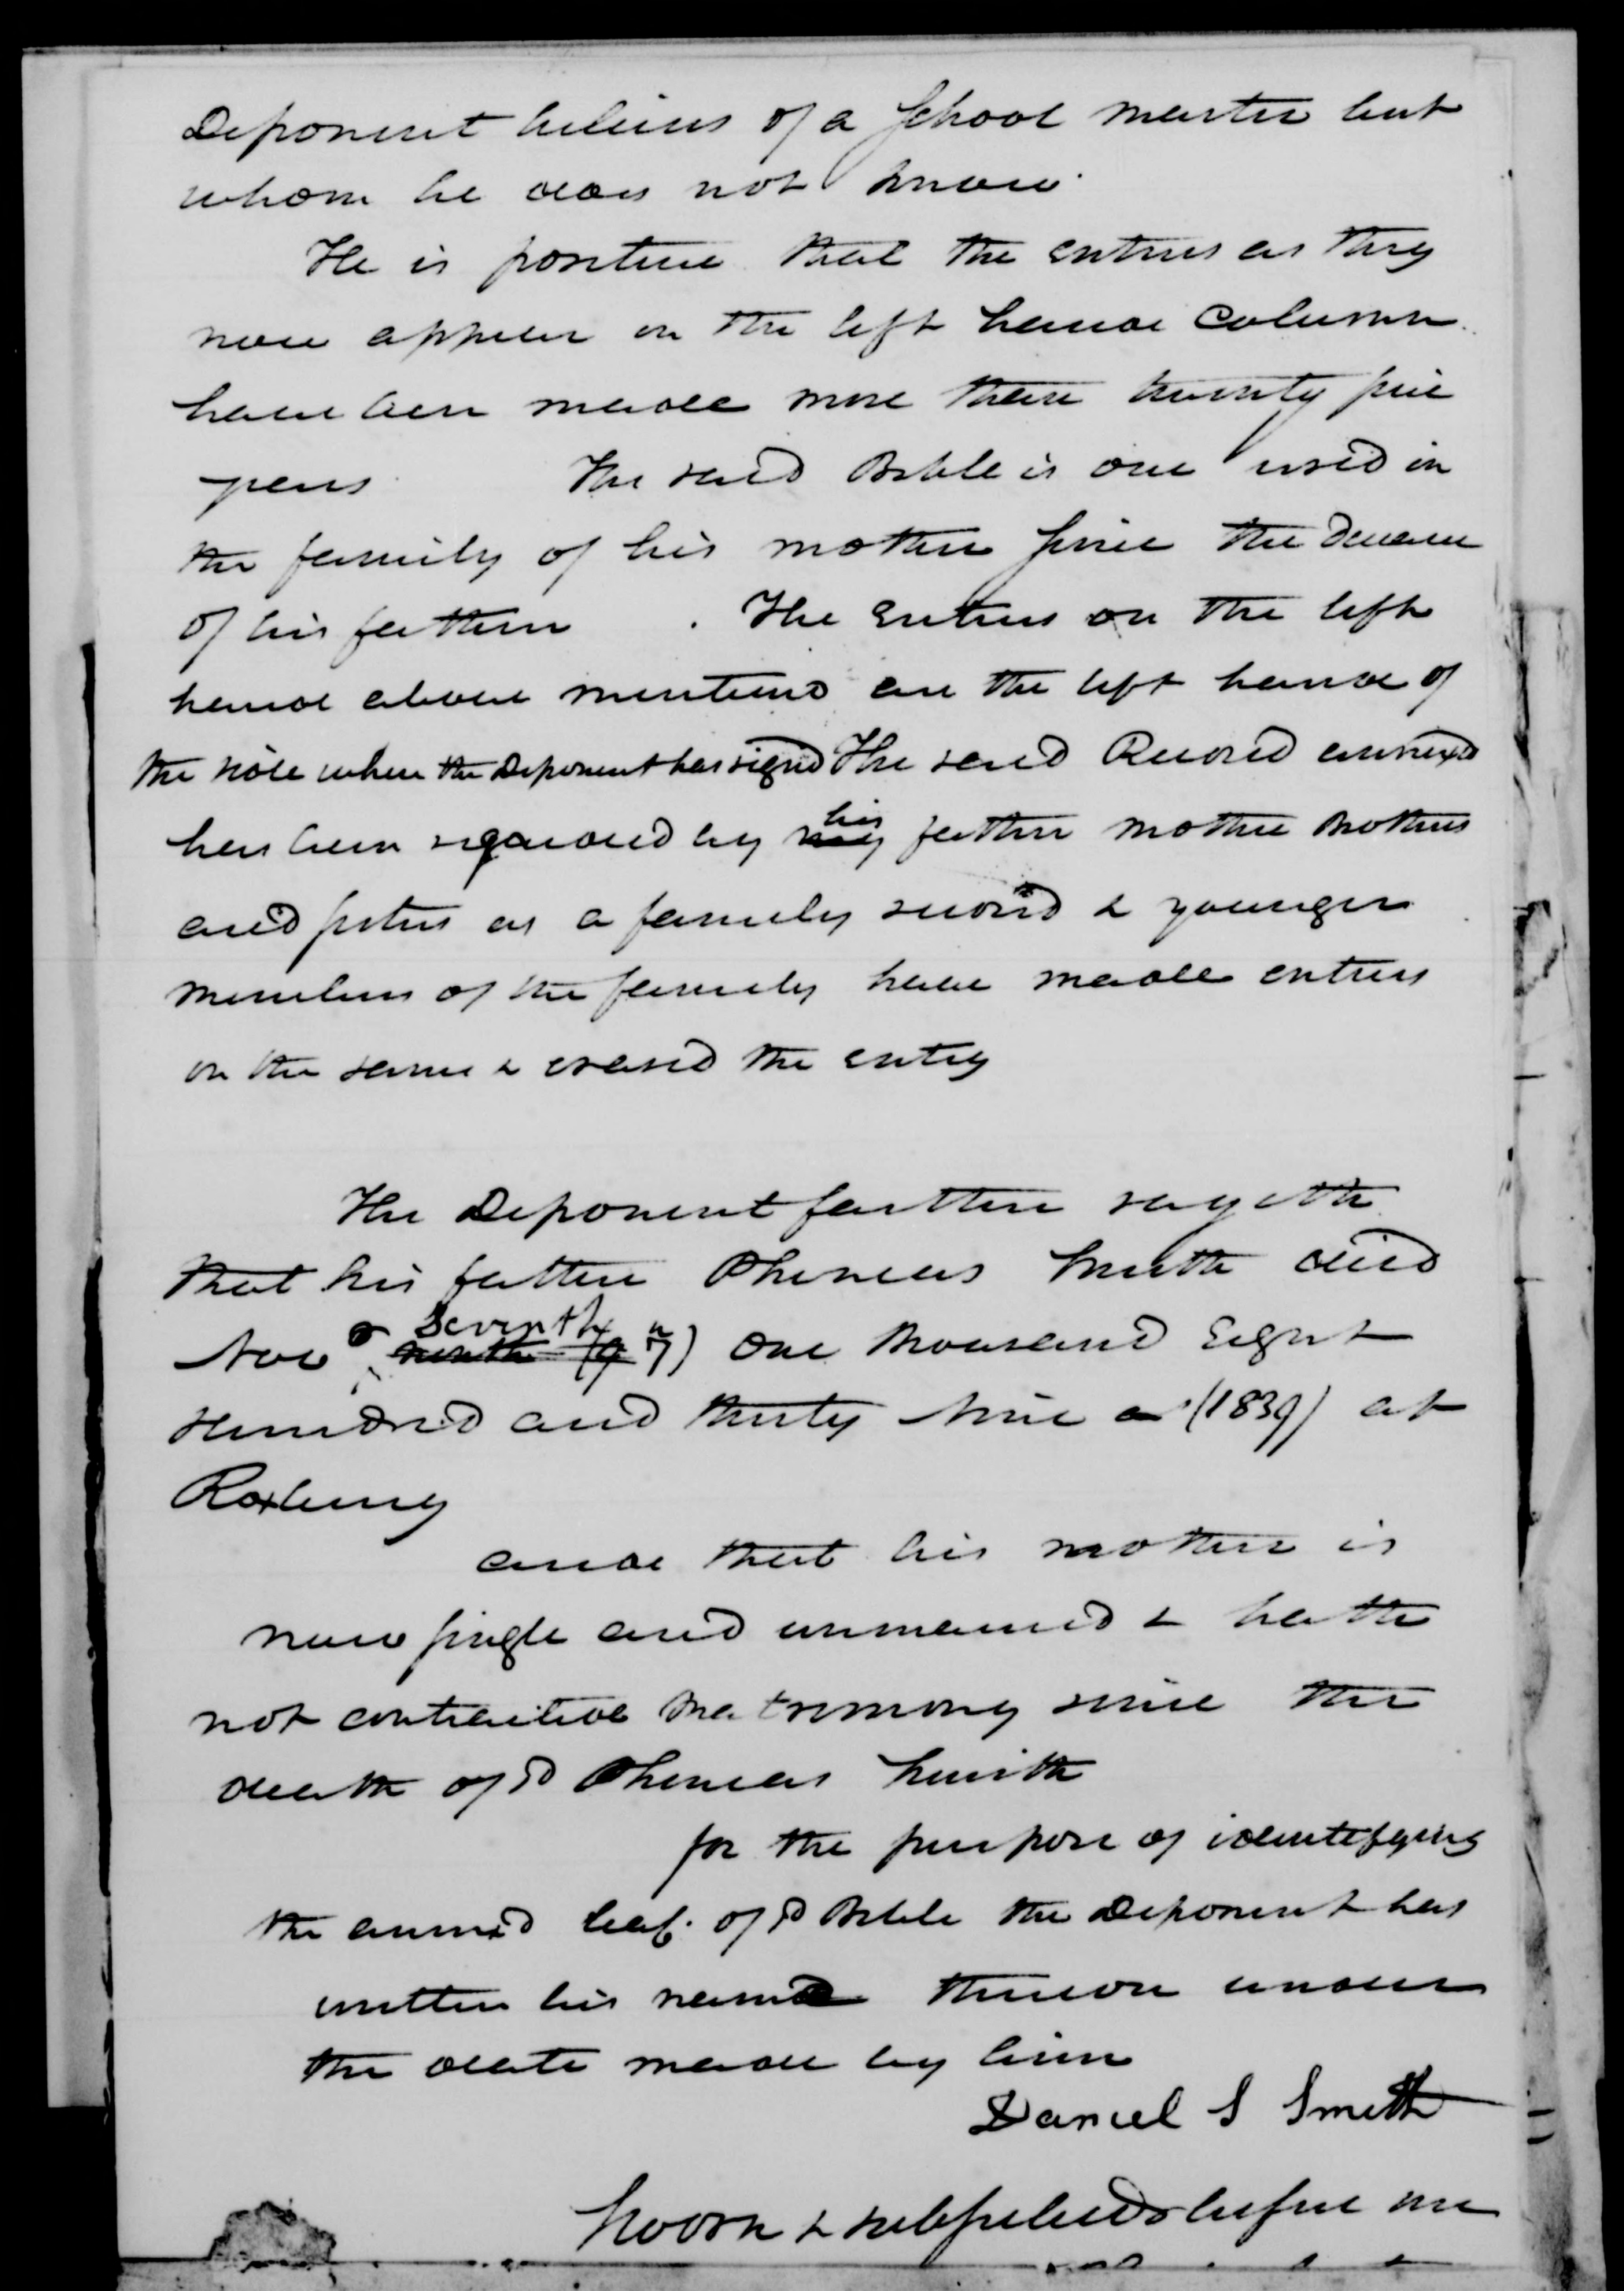Deponent believes of a school master but whom he does not know.   
He is positive that the entries as they now appear on the left hand column have been made more than twenty five years.  The said Bible is one used in the family of his mother prior the decease of his father.   The entries on the left hand  above mentioned on the left hand of the note where the Deponent has signed the said Record annexed has been recorded by his fathers mothers  mothers and [unreadable] as a family record & younger members of the family have made entries on the same  & erased the entry.   
The deponent farther sayeth his father Phineas Smith died  Novr Seventh (7th) one thousand Eight Hundred and thirty nine (1839) at and that his mother is now single and unmarried hath not contracted matrimony will the death of Phineas Smith.  
For the purpose of identifying the annexed leaf of Bible the Deponent has written his name thereon under the date made by him.   
Daniel S Smith 
Sworn & subscribed before me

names: Daniel S Smith; Phineas Smith; Phineas Smith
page: 12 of 55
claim: widow's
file: W. 11480, for Phinehas Smith, Connecticut